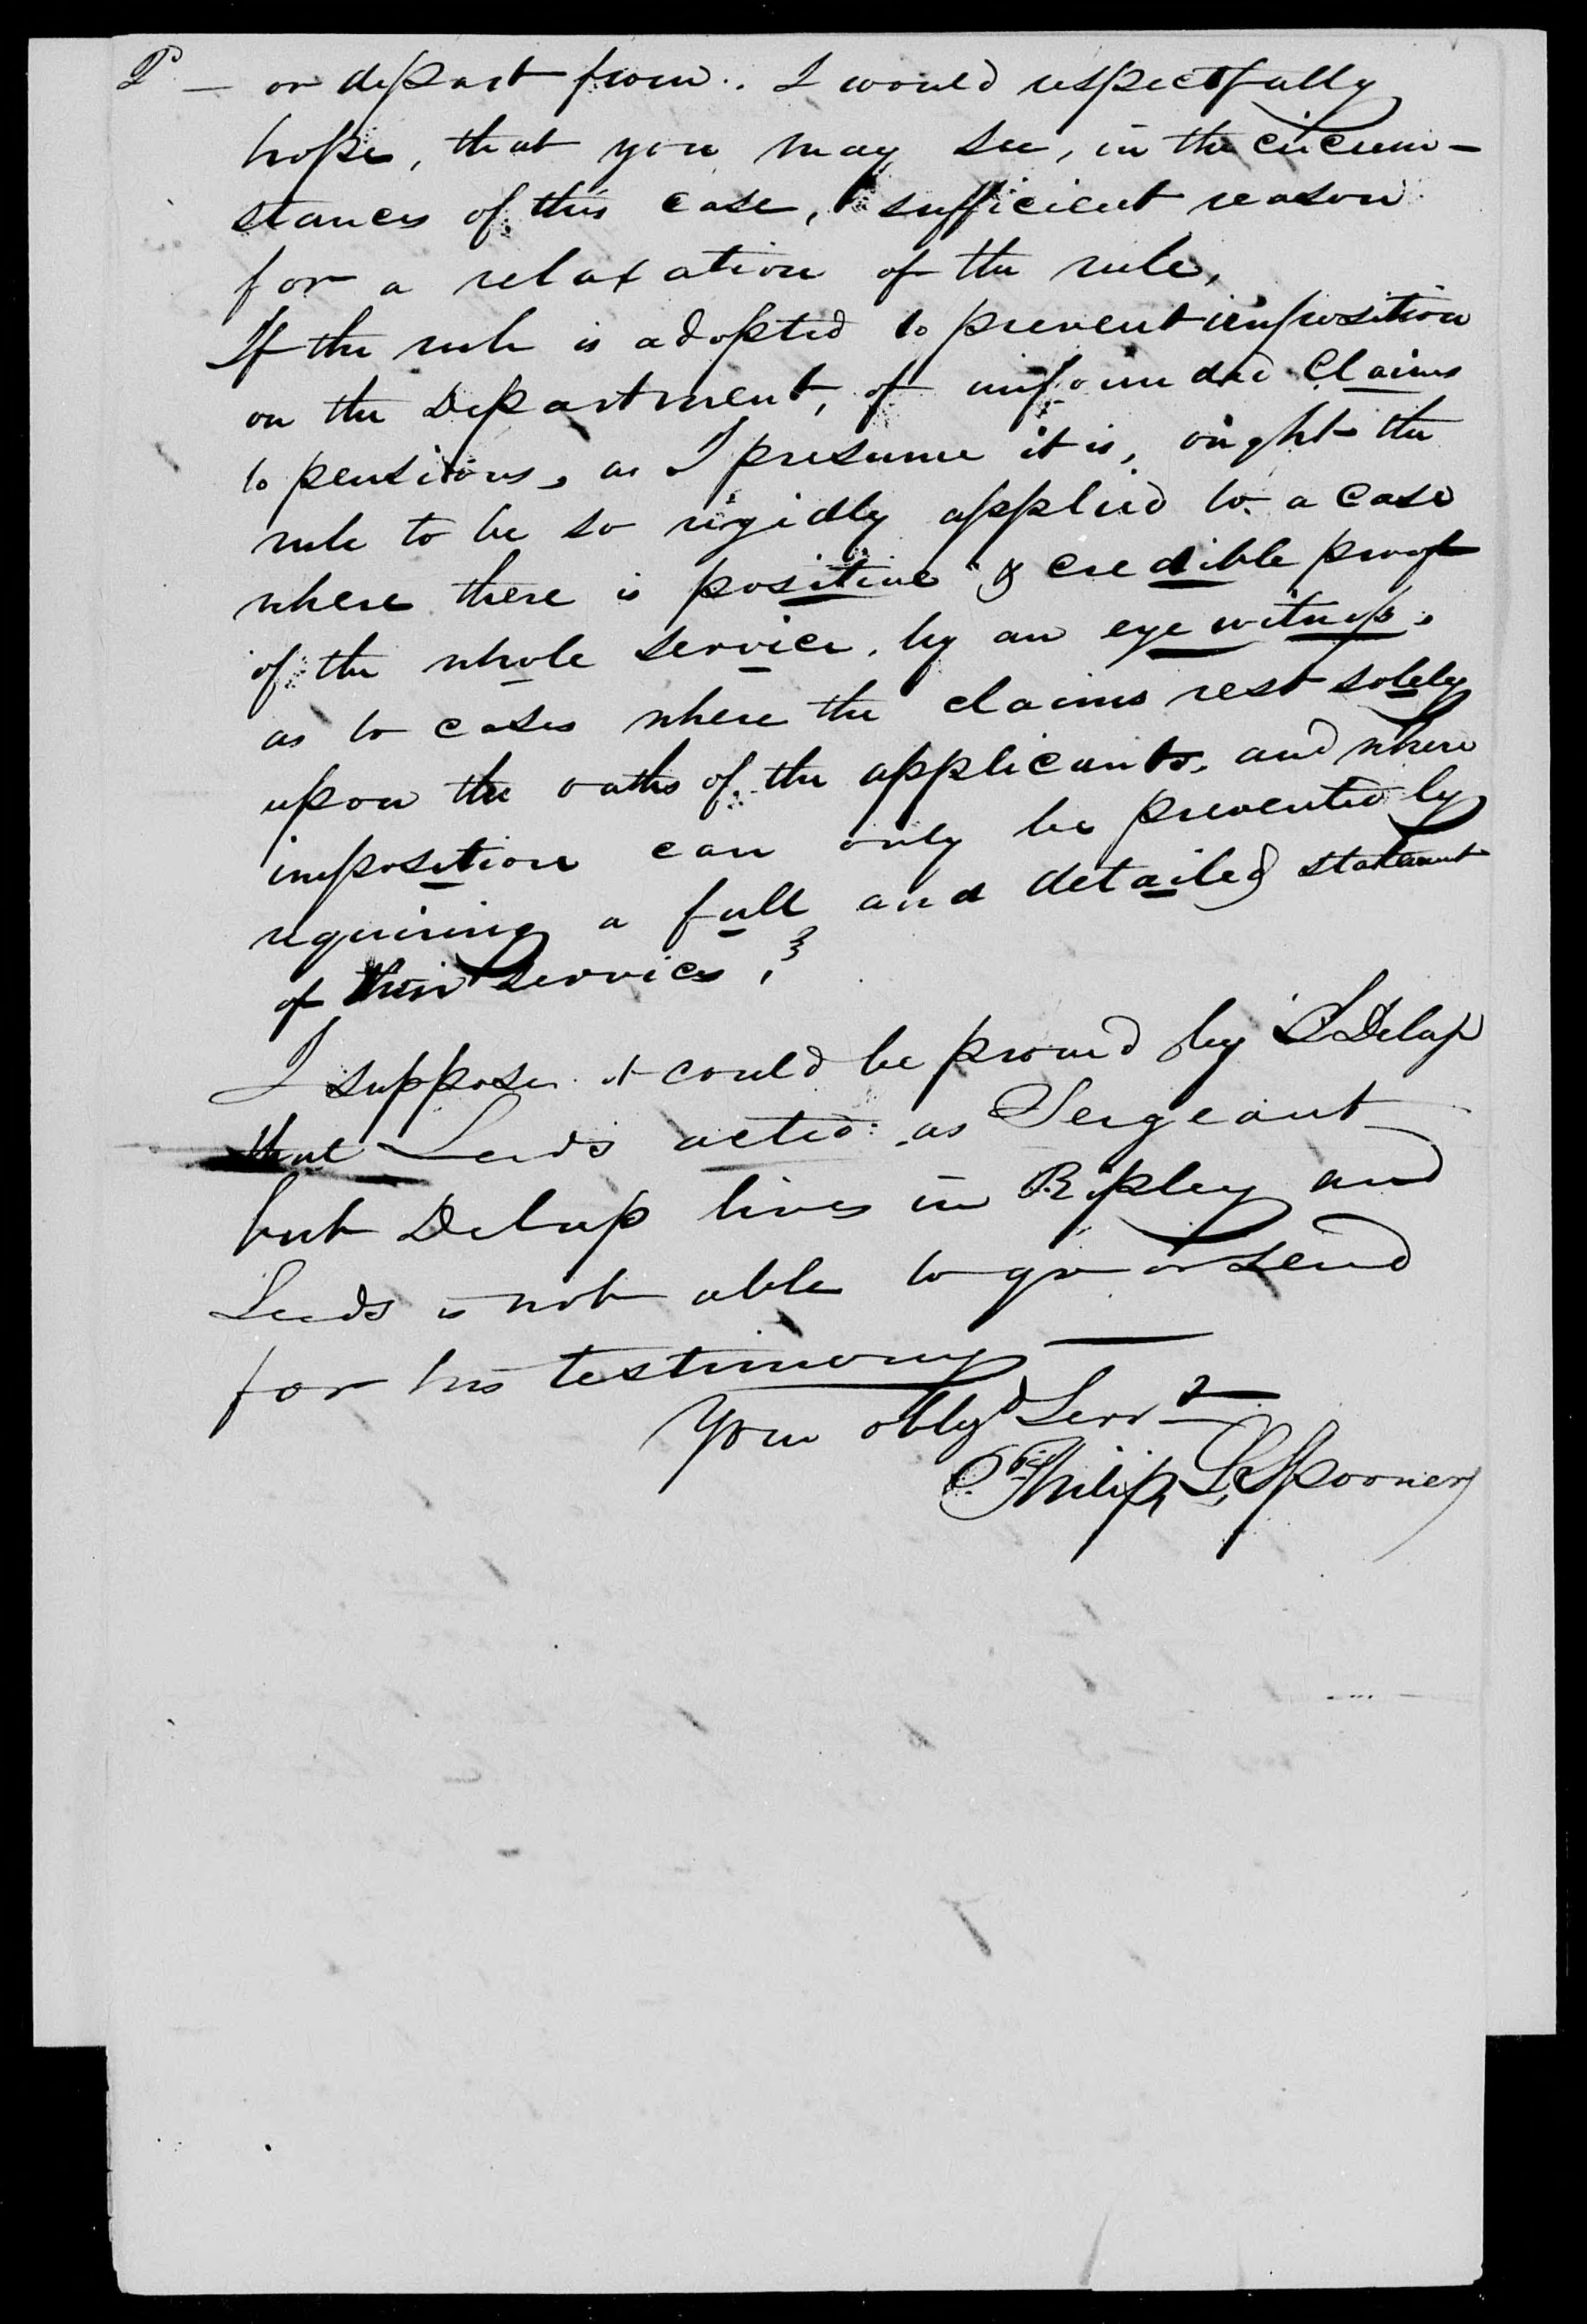[Top left page] 2

or depart from. I would respectfully hope, that you may see, in the circumstances of this case, sufficient reason for a relaxation of the rule, If the rule is adopted to prevent imposition on the Department, of uniform the claims to pensions, as I presume it is, right the rule to be so rigidly applied to a case where there is positive "I credible proof of the whole service, by an eye witness, as to cases where the claims rest solely upon the oaths of the applicant, and where imposition can only be prevented by requiring a full and detailed statement of their service.

I suppose it could be proved by L Delap that Leeds act as Sergeant but Delap lives in Ripley and Leeds is not able to [illegible] for his testimony

Your oblyd Servt &
Philip L. Spooner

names: Philip L Spooner; J Delap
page: 35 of 38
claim: survivor's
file: S 31817, for James Leeds, New Jersey